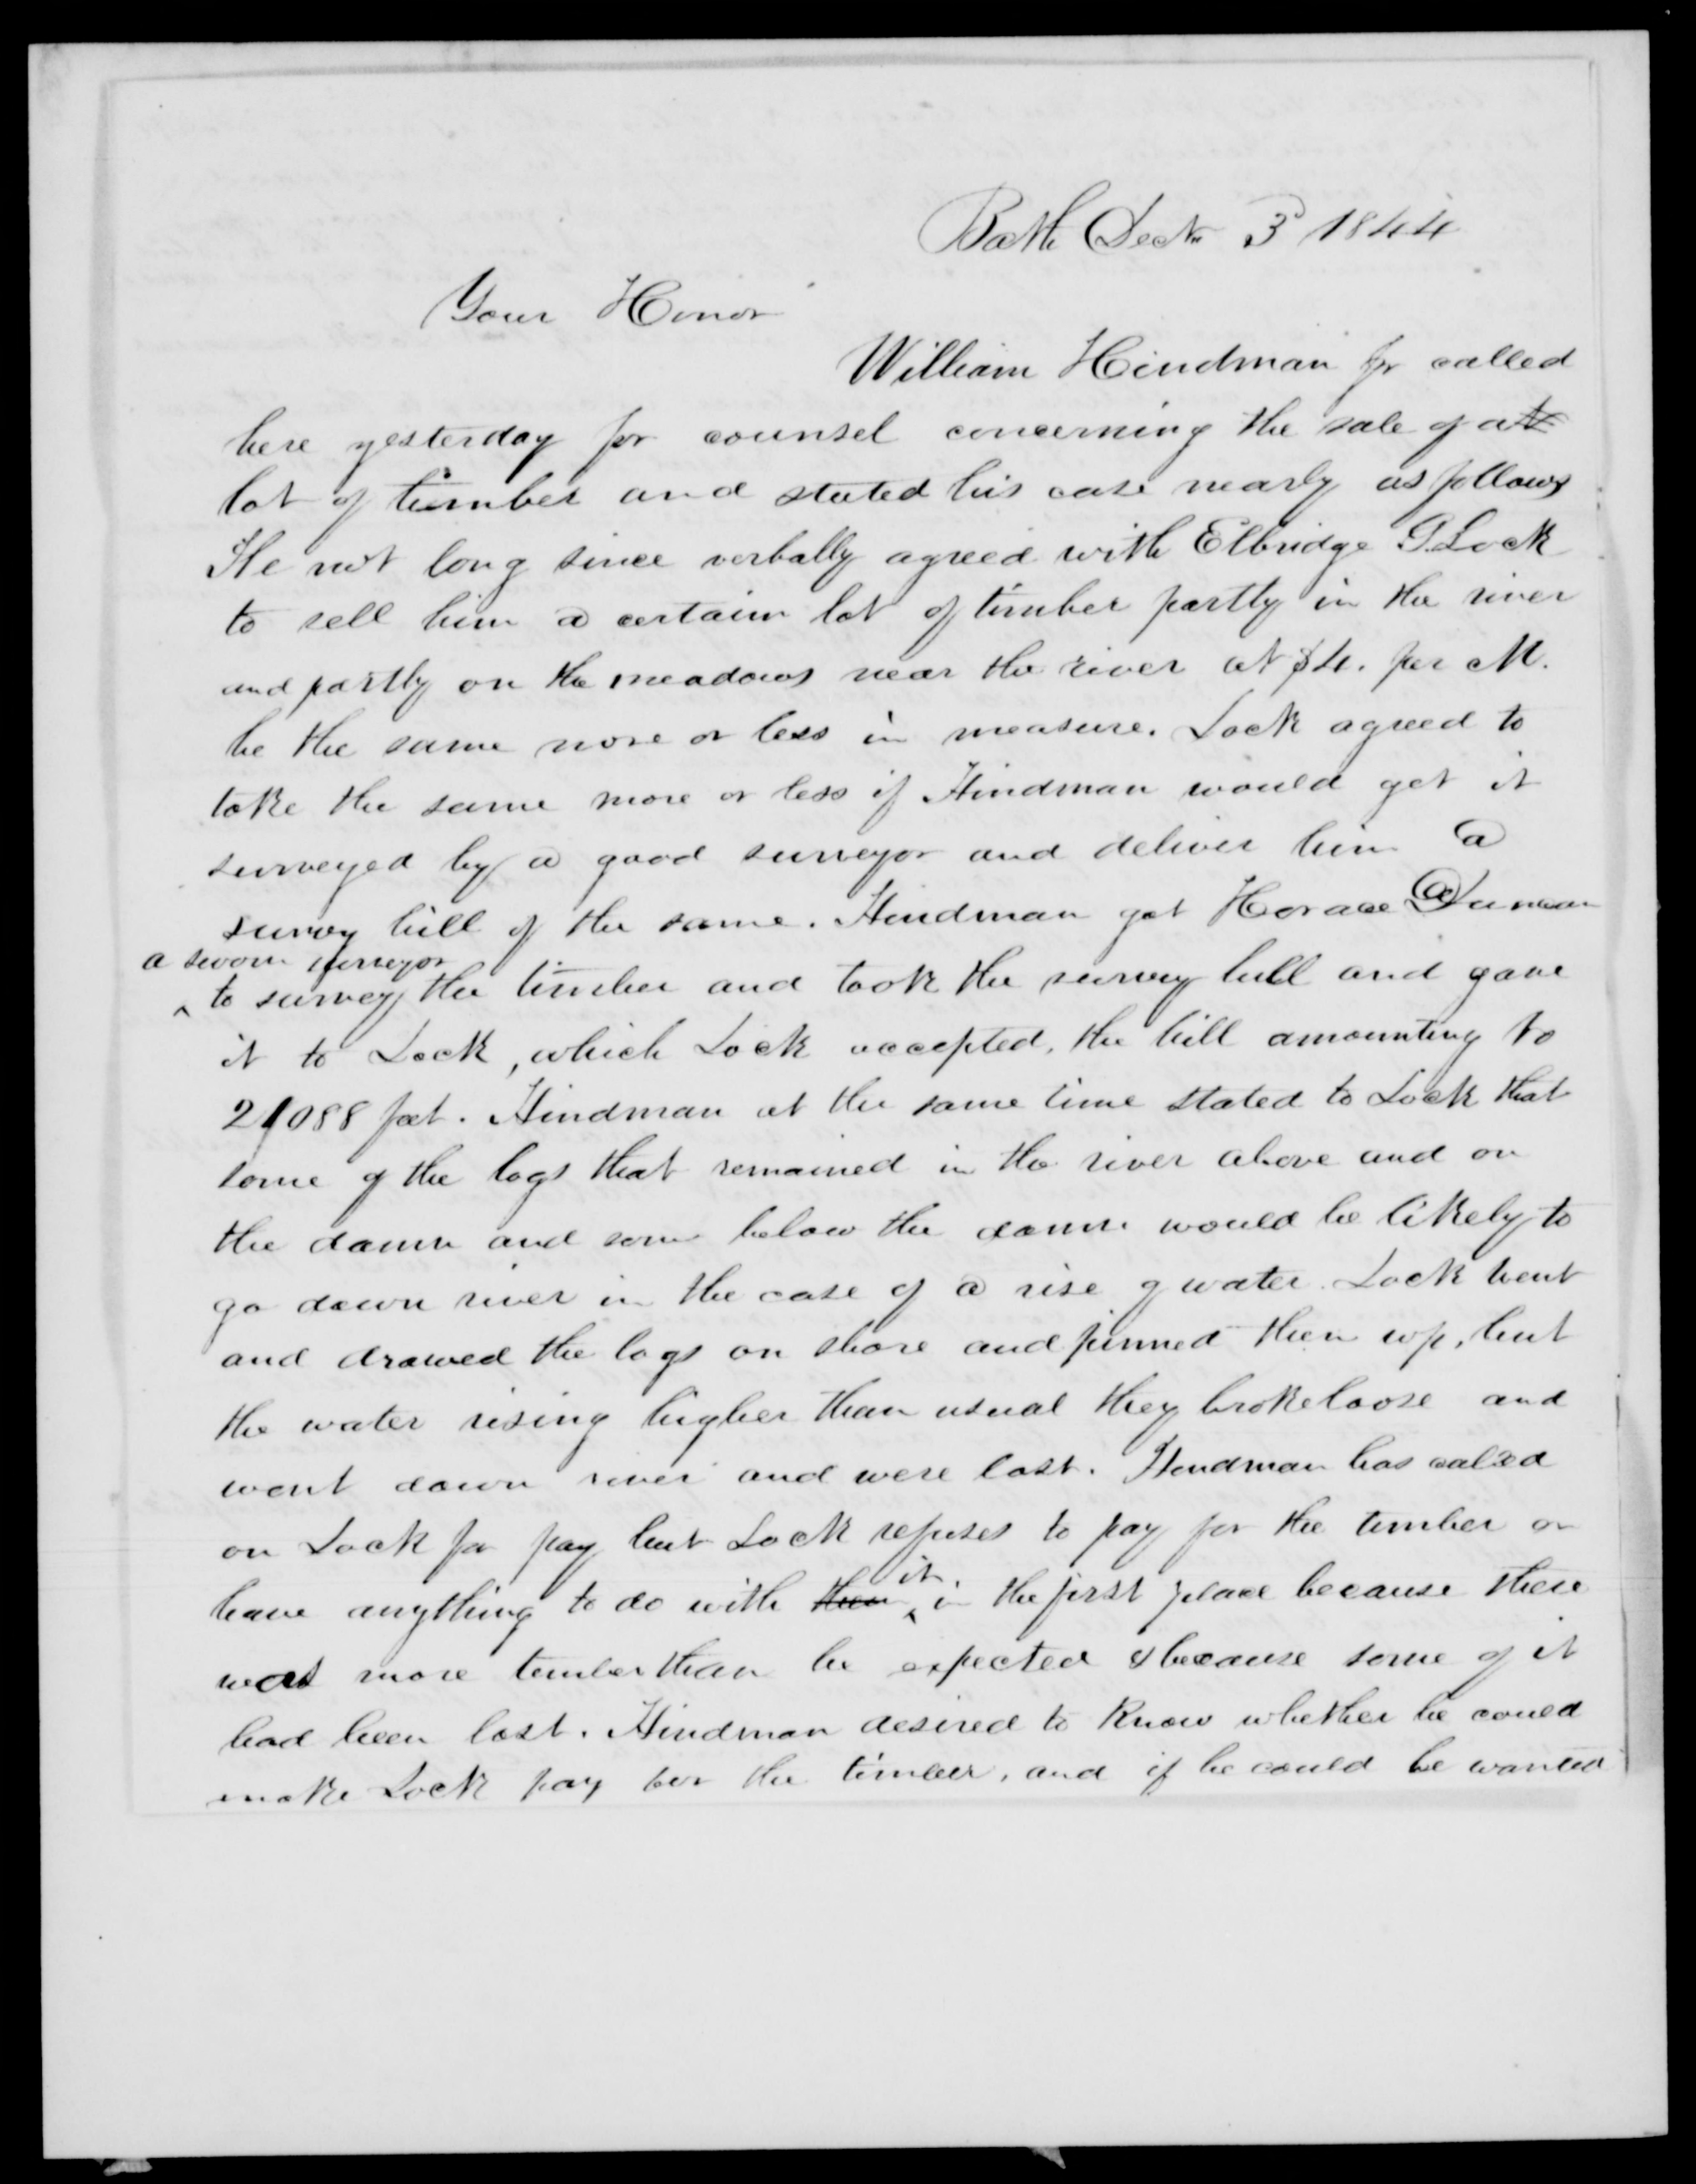Bath Decr 3d 1844
Your Honor
William Hindman Jr called
here yesterday for counsel concerning the sale of a
lot of timber and stated his case nearly as follows
He not long since verbally agreed with Elbridge G. Lock
to sell him a certain lot of timber partly in the river
and partly on the meadow near the river at $4 per M.
he the same more or less in measure. Lock agreed to
take the same more or less if Hindman would get it
surveyed by a good surveyor and deliver him a
bill of the same. Hindman got Horace a [unintelligible] a sworn surveyor
to survey the timber and took the survey full and gave
it to Lock, which Lock accepted, the bill amounting to
21088 feet.  Hindman at the same time stated to Lock that
some of the logs that remained in the river above and on
the dam and some below the dam would be likely to
go down river in the case of a rise of water. Lock went
and drawed the logs on shore and pinned then up, but
the water rising higher than usual they broke loose and
went down river and were last. Hindman has called
on Lock for pay but Lock refuses to pay for the timber or
have anything to do with it in the first place because there
was more timber than he expected & because some of it
had been lost. Hindman desired to know whether he could
make Lock pay for the timber, and if he could be wanted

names: Hindman, Horace Duncan, Elbridge T Lock, William Hindman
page: 51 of 78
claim: widow's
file: W. 25856, Samuel Way, N.H.